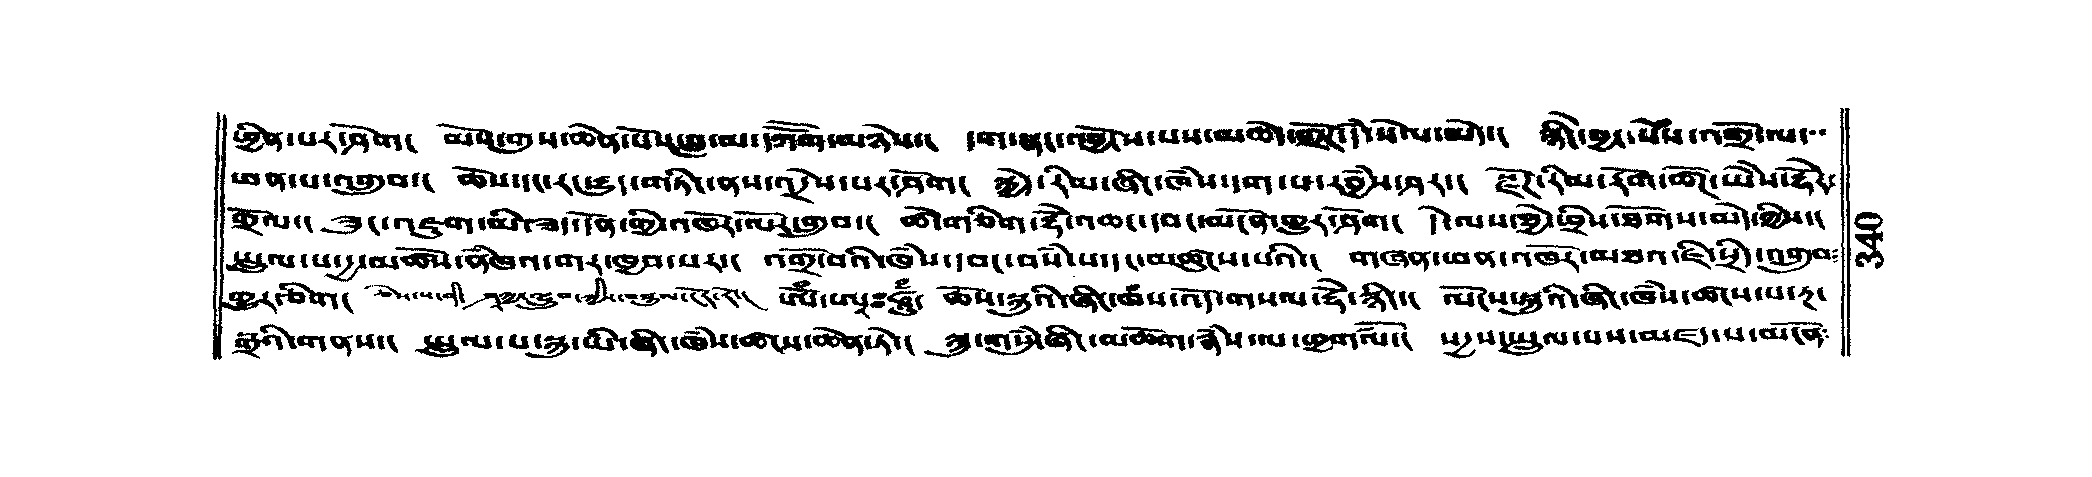ཕྱིན་པར་ཤོག །མོས་གུས་ཆེན་པོས་བླ་མ་དཀོན་མཆོག་མཉེས། །དག་སྣང་འབྱོངས་པས་མཆེད་གྲོགས་དམ་སེལ་མེད། །སྙིང་རྗེ་བྱང་སེམས་འགྲོ་ལ་
ཕན་པ་ཤོག །སྐྱེད་རིམ་ཞིང་ཁམས་དག་པ་རབ་འབྱམས་ཤར། །རྫོགས་རིམ་རྟོག་ཚོགས་ཡེ་ཤེས་རྡོ་རྗེར་
གྲོལ། །ཟུང་འཇུག་མི་ཟད་དོན་གྱི་འཁོར་ལོར་གྲུབ། །ཚེ་གཅིག་རྡོ་རྗེ་འཆང་དབང་མངོན་གྱུར་ཤོག།དེ་ལས་ཐུགས་རྗེ་ཕྲིན་ལས་ཐོགས་མེད་ཀྱིས། །
སྤྲུལ་པ་རྒྱ་མཚོས་ནམ་མཁའ་གར་ཁྱབ་པར། །འགྲོ་བའི་ཁམས་དབང་བསམ་པ་དང་མཚུངས་པའི། །གཞན་ཕན་འཁོར་མཐའ་ཇི་སྲིད་འགྲུབ་
གྱུར་ཅིག ཅེས་པ་ནི། ཤཱཀྱ་ལྷུན་གྲུབ་ཀྱིས་བསྐུལ་ངོར་རོ། ཨོཾ་ཨཱཿཧཱུྃ། ཆོས་སྐུའི་ཞིང་ཁམས་འོད་གསལ་རྡོ་རྗེ་སྙིང་། །ལོངས་སྐུའི་ཞིང་ཁམས་ཚངས་པ་རྔ་
སྒྲའི་གནས། །སྤྲུལ་པ་སྐུ་ཡི་ཞིང་ཁམས་ཚངས་ཆེན་ཏེ། །སྐུ་གསུམ་ཞིང་མཆོག་རྣམས་ལ་ཕྱག་འཚལ་ལོ། །སངས་རྒྱས་སྤྲུལ་པས་མཛད་པ་མངོན་